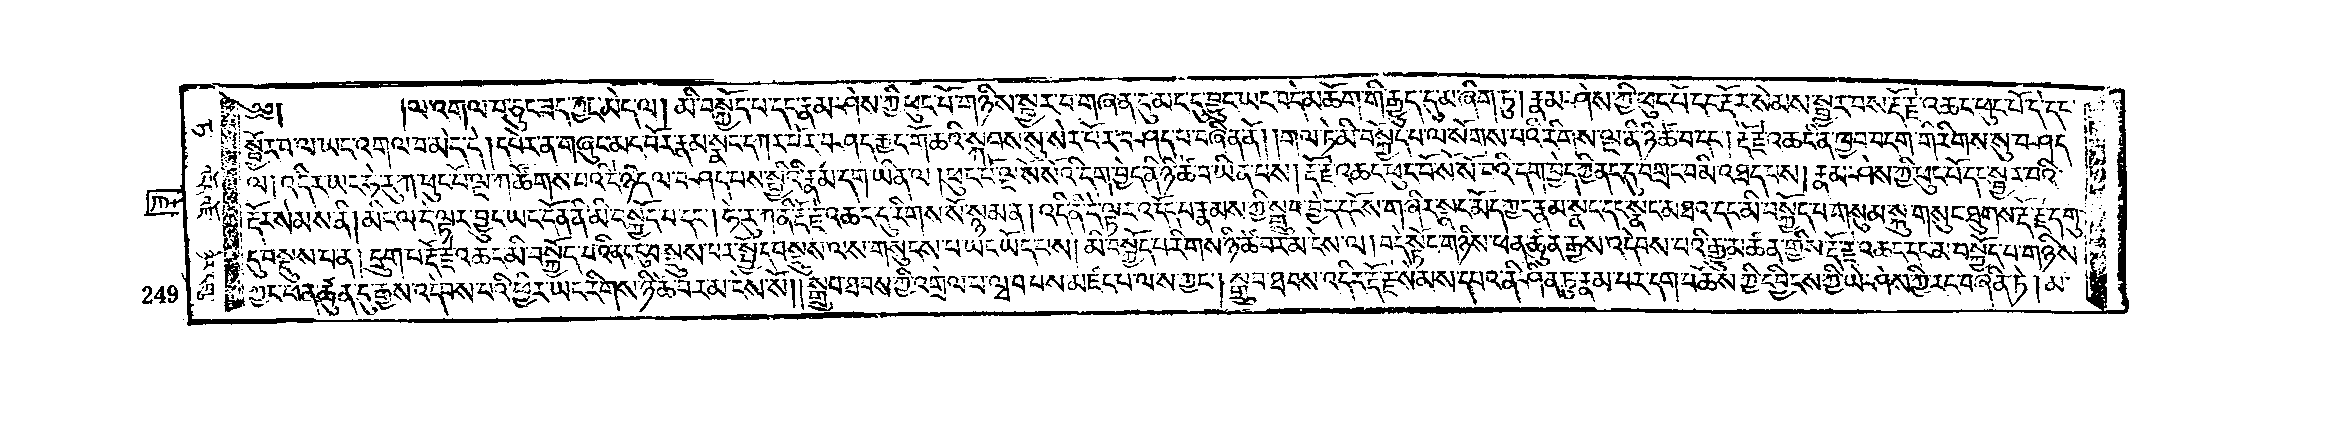༄༅། །ལ་འགལ་བ་ཅུང་ཟད་ཀྱང་མེད་ལ། མི་བསྐྱོད་པ་དང་རྣམ་ཤེས་ཀྱི་ཕུང་པོ་གཉིས་སྦྱར་བ་གཞན་དུ་མང་དུ་བྱུང་ཡང་བདེ་མཆོག་གི་རྒྱུད་དུ་མ་ཞིག་ཏུ། རྣམ་ཤེས་ཀྱི་ཕུང་པོ་དང་རྡོར་སེམས་སྦྱར་བས་རྡོ་རྗེ་འཆང་ཕུང་པོ་དེ་དང་
སྦྱོར་བ་ལ་ཡང་འགལ་བ་མེད་དེ། དཔེར་ན་གཞུང་མང་པོར་རྣམ་སྣང་དཀར་པོར་བཤད་ཀྱང་གོ་ཆའི་སྐབས་སུ་སེར་པོར་བཤད་པ་བཞིན་ནོ། །གལ་ཏེ་མི་བསྐྱོད་པ་ལ་སོགས་པའི་རིགས་ལྔ་ནི་ཉི་ཚེ་བ་དང་། རྡོ་རྗེ་འཆང་ནི་ཁྱབ་བདག་གི་རིགས་སུ་བཤད་
ལ། འདིར་ཡང་ཧེ་རུ་ཀ་ཕུང་པོ་ལྔ་ཀ་ཚོགས་པའི་དེ་ཉིད་ལ་བཤད་པས་སྤྱིའི་རྣམ་དག་ཡིན་ལ། ཕུང་པོ་ལྔ་སོ་སོའི་དག་བྱེད་ནི་ཉི་ཚེ་བ་ཡིན་པས། རྡོ་རྗེ་འཆང་ཕུང་པོ་སོ་སོ་བའི་དག་བྱེད་ཀྱི་ནང་དུ་བགྲང་བ་མི་འཐད་པས། རྣམ་ཤེས་ཀྱི་ཕུང་པོ་དང་སྦྱར་བའི་
རྡོར་སེམས་ནི། མིང་ལ་དེ་ལྟར་བྱུང་ཡང་དོན་ནི་མི་བསྐྱོད་པ་དང་། ཧེ་རུ་ཀ་ནི་རྡོ་རྗེ་འཆང་དུ་རིགས་སོ་སྙམ་ན། འདི་ནི་དེ་ལྟར་འདོད་པ་རྣམས་ཀྱི་སྒྲུབ་བྱེད་དངོས་གཞིར་སྣང་མོད་ཀྱང་རྣམ་སྣང་དང་སྣང་མཐའ་དང་མི་བསྐྱོད་པ་གསུམ་སྐུ་གསུང་ཐུགས་རྡོ་རྗེ་གསུམ་
དུ་བསྡུས་པ་ན། དྲུག་པ་རྡོ་རྗེ་འཆང་མི་བསྐྱོད་པའི་ནང་དུ་བསྡུས་པར་སྤྱོད་བསྡུས་ལས་གསུངས་པ་ཡང་ཡོད་པས། མི་བསྐྱོད་པ་རིགས་ཉི་ཚེ་བར་མ་ངེས་ལ། བདེ་སྟོང་གཉིས་ཕན་ཚུན་རྒྱས་འདེབས་པའི་རྒྱུ་མཚན་གྱིས་རྡོ་རྗེ་འཆང་དང་མི་བསྐྱོད་པ་གཉིས་
ཀྱང་ཕན་ཚུན་དུ་རྒྱས་འདེབས་པའི་ཕྱིར་ཡང་རིགས་ཉི་ཚེ་བར་མ་ངེས་སོ། །སྒྲུབ་ཐབས་ཀྱི་འགྲེལ་པ་ལྭ་བ་པས་མཛད་པ་ལས་ཀྱང་། སྒྲུབ་ཐབས་འདིར་རྡོ་རྗེ་སེམས་དཔའ་ནི་ཤིན་ཏུ་རྣམ་པར་དག་པ་ཆོས་ཀྱི་དབྱིངས་ཀྱི་ཡེ་ཤེས་ཀྱི་རང་བཞིན་ཏེ། མི་